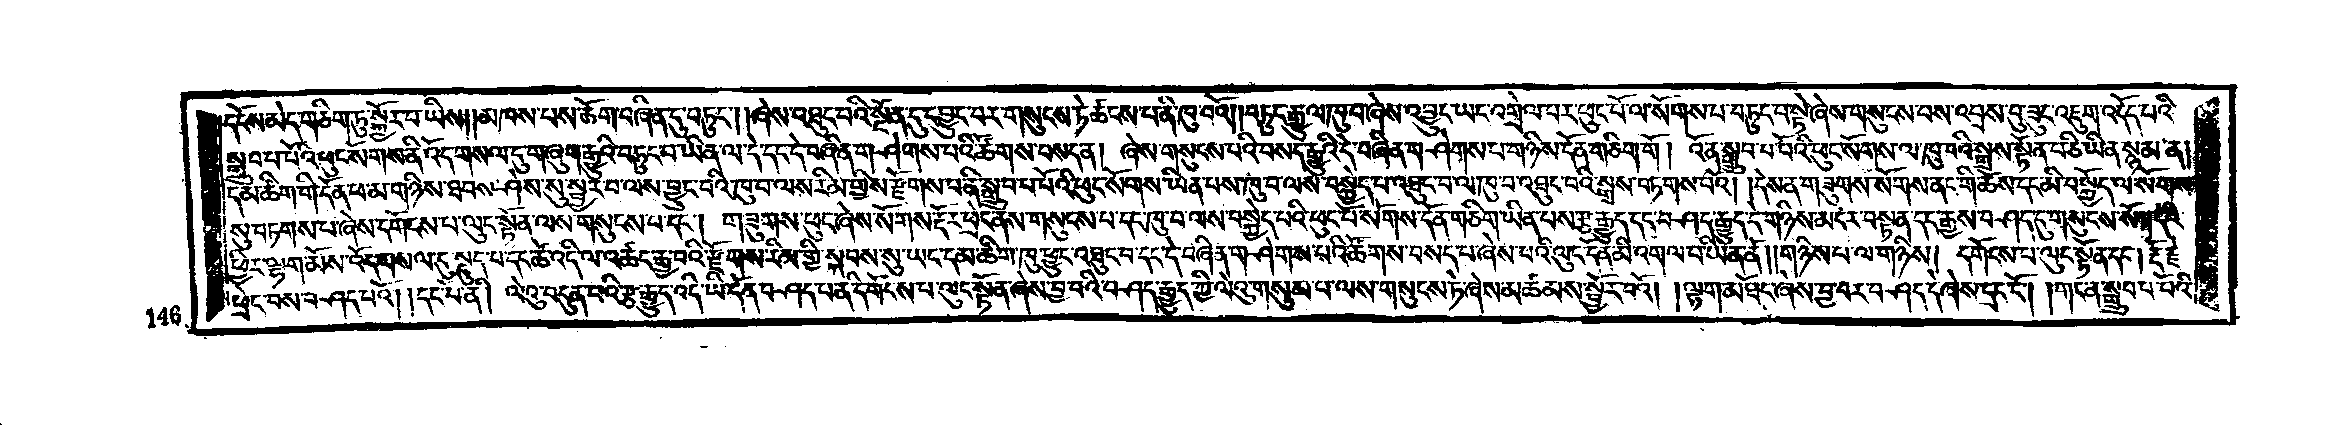དངོས་མེད་གཅིག་ཏུ་སྦྱོར་བ་ཡིས། །མཁས་པས་ཆོ་ག་བཞིན་དུ་བཏུང་། །ཞེས་འཐུང་བའི་སྔོན་དུ་དབྱུང་བར་གསུངས་ཏེ་ཚངས་པ་ནི་ཁུ་བའོ། །བཏུང་རྒྱུ་ལ་ཁུ་བ་ཞེས་འབྱུང་ཡང་འགྲེལ་པར་ཕུང་པོ་ལ་སོགས་པ་བཏུང་བ་སྟེ་ཞེས་གསུངས་པས་འབྲས་བུ་ཟུང་འཇུག་འདོད་པའི་
སྒྲུབ་པ་པོའི་ཕུང་སོགས་ནི་འོད་གསལ་དུ་གཞུག་རྒྱུའི་བཏུང་བ་ཡིན་ལ་དེ་དང་དེ་བཞིན་གཤེགས་པའི་ཚིགས་བསད་ན། ཞེས་གསུངས་པའི་བསད་རྒྱུའི་དེ་བཞིན་གཤེགས་པ་གཉིས་དོན་གཅིག་གོ །འོ་ན་སྒྲུབ་པ་པོའི་ཕུང་སོགས་ལ་ཁུ་བའི་སྒྲས་སྟོན་པ་ཅི་ཡིན་སྙམ་ན་
དམ་ཚིག་གི་དོན་ཕ་མ་གཉིས་ཐབས་ཤེས་སུ་སྦྱར་བ་ལས་བྱུང་བའི་ཁུ་བ་ལས་རིམ་གྱིས་རྫོགས་པ་ནི་སྒྲུབ་པ་པོའི་ཕུང་སོགས་ཡིན་པས་ཁུ་བ་ལས་བསྐྱེད་པ་འཐུང་བ་ལ་ཁུ་བ་འཐུང་བའི་སྒྲས་བཏགས་པའོ། །དེས་ན་གཟུགས་སོགས་ནང་གི་ཆོས་དང་མི་བསྐྱོད་ལ་སོགས་
སུ་བཏགས་པ་ཞེས་དགོངས་པ་ལུང་སྟོན་ལས་གསུངས་པ་དང་། གཟུགས་ཕུང་ཞེས་སོགས་རྡོར་ཕྲེང་?་ནས་གསུངས་པ་དང་ཁུ་བ་ལས་བསྐྱེད་པའི་ཕུང་པོ་སོགས་དོན་གཅིག་ཡིན་པས་རྩ་རྒྱུད་དང་བཤད་རྒྱུད་དེ་གཉིས་མདོར་བསྟན་དང་རྒྱས་བཤད་དུ་གསུངས་སོ། །དེའི་
ཕྱིར་ལྷག་མོས་འོད་གསལ་དུ་སྡུད་པ་དང་ཆེ་འདི་ལ་འཚང་རྒྱ་བའི་རྫོགས་རིམ་གྱི་སྐབས་སུ་ཡང་དམ་ཚིག་ཁུ་ཕྱུང་འཐུང་བ་དང་དེ་བཞིན་གཤེགས་པའི་ཚོགས་བསད་པ་ཞེས་པའི་ལུང་དོན་མི་འགལ་བ་ཡིན་ནོ། །གཉིས་པ་ལ་གཉིས། དགོངས་པ་ལུང་སྟོན་དང་། རྡོ་རྗེ་
ཕྲེང་བས་བཤད་པའོ། །དང་པོ་ནི། ལེའུ་བདུན་པའི་རྩ་རྒྱུད་འདི་ཡི་དོན་བཤད་པ་ནི་དགོངས་པ་ལུང་སྟོན་ཞེས་བྱ་བའི་བཤད་རྒྱུད་ཀྱི་ལེའུ་གསུམ་པ་ལས་གསུངས་ཏེ་ཞེས་མཚམས་སྦྱོར་བའོ། །ལྷག་མཐོང་ཞེས་བྱ་བར་བཤད་དེ་ཞེས་དྲང་ངོ། །གང་ན་སྒྲུབ་པ་པོའི་